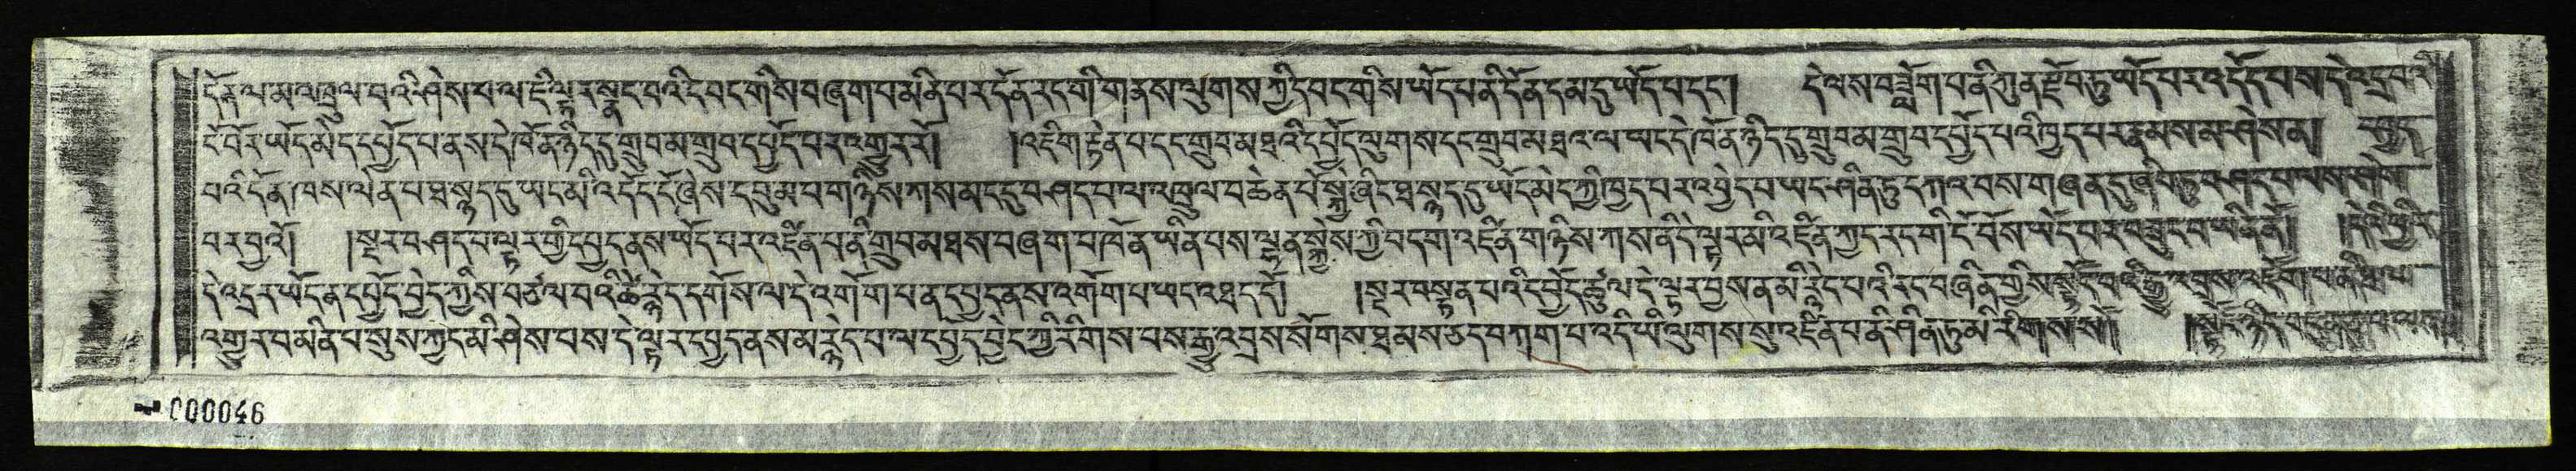དོན་ལ་མ་འཁྲུལ་བའི་ཤེས་པ་ལ་ཇི་ལྟར་སྣང་བའི་དབང་གིས་བཞག་པ་མིན་པར་དོན་རང་གི་གནས་ལུགས་ཀྱི་དབང་གིས་ཡོད་པ་ནི་དོན་དམ་དུ་ཡོད་པ་དང་། དེ་ལས་བཟློག་པ་ནི་ཀུན་རྫོབ་ཏུ་ཡོད་པར་འདོད་པས་དེ་འདྲ་བའི་
ངོ་བོར་ཡོད་མེད་དཔྱོད་པ་ནས་དེ་ཁོ་ན་ཉིད་དུ་གྲུབ་མ་གྲུབ་དཔྱོད་པར་འགྱུར་རོ། །འཇིག་རྟེན་པ་དང་གྲུབ་མཐའི་དཔྱོད་ལུགས་དང་གྲུབ་མཐའ་ལ་ཡང་དེ་ཁོ་ན་ཉིད་དུ་གྲུབ་མ་གྲུབ་དཔྱོད་པའི་ཁྱད་པར་རྣམས་མ་ཤེས་ན། དཔྱད་
བའི་དོན་ཁས་ལེན་པ་ཐ་སྙད་དུ་ཡང་མི་འདོད་དོ་ཞེས་དབུ་མ་པ་གཉིས་ཀས་མང་དུ་བཤད་པ་ལ་འཁྲུལ་བ་ཆེན་པོ་སྐྱེ་ཞིང་ཐ་སྙད་དུ་ཡོད་མེད་ཀྱི་ཁྱད་པར་འབྱེད་པ་ཡང་ཤིན་ཏུ་དཀའ་བས་གཞན་དུ་ཞིབ་ཏུ་བཤད་པ་ལས་ཤེས་
པར་བྱའོ། །སྔར་བཤད་པ་ལྟར་གྱི་དཔྱད་ནས་ཡོད་པར་འཛིན་པ་ནི་གྲུབ་མཐས་བཞག་པ་ཁོ་ན་ཡིན་པས་ལྷན་སྐྱེས་ཀྱི་བདག་འཛིན་གཉིས་ཀས་ནི་དེ་ལྟར་མི་འཛིན་ཀྱང་རང་གི་ངོ་བོས་ཡོད་པར་བཟུང་བ་ཡིན་ནོ། །དེའི་ཕྱིར་
དེ་འདྲར་ཡོད་ན་དཔྱོད་བྱེད་ཀྱིས་བཙལ་བའི་ཚེ་རྙེད་དགོས་ལ་དེ་འགོག་པ་ན་དཔྱད་ནས་འགོག་པ་ཡང་འཐད་དོ། །སྔར་བསྟན་པའི་དཔྱོད་ཚུལ་དེ་ལྟར་བྱས་ན་མི་རྙེད་པའི་རང་བཞིན་གྱིས་སྟོང་པའི་རྒྱུ་འབྲས་འཇོག་པ་ནི་ཐལ་
འགྱུར་བ་མིན་པ་སུས་ཀྱང་མི་ཤེས་པས་དེ་ལྟར་དཔྱད་ནས་མ་རྙེད་པ་ལ་དཔྱོད་བྱེད་ཀྱི་རིགས་པས་རྒྱུ་འབྲས་སོགས་ཐམས་ཅད་བཀག་པ་འདི་ཡི་ལུགས་སུ་འཛིན་པ་ནི་ཤིན་ཏུ་མི་རིགས་སོ། །སྟོང་ཉིད་བདུན་ཅུ་པ་ལས་